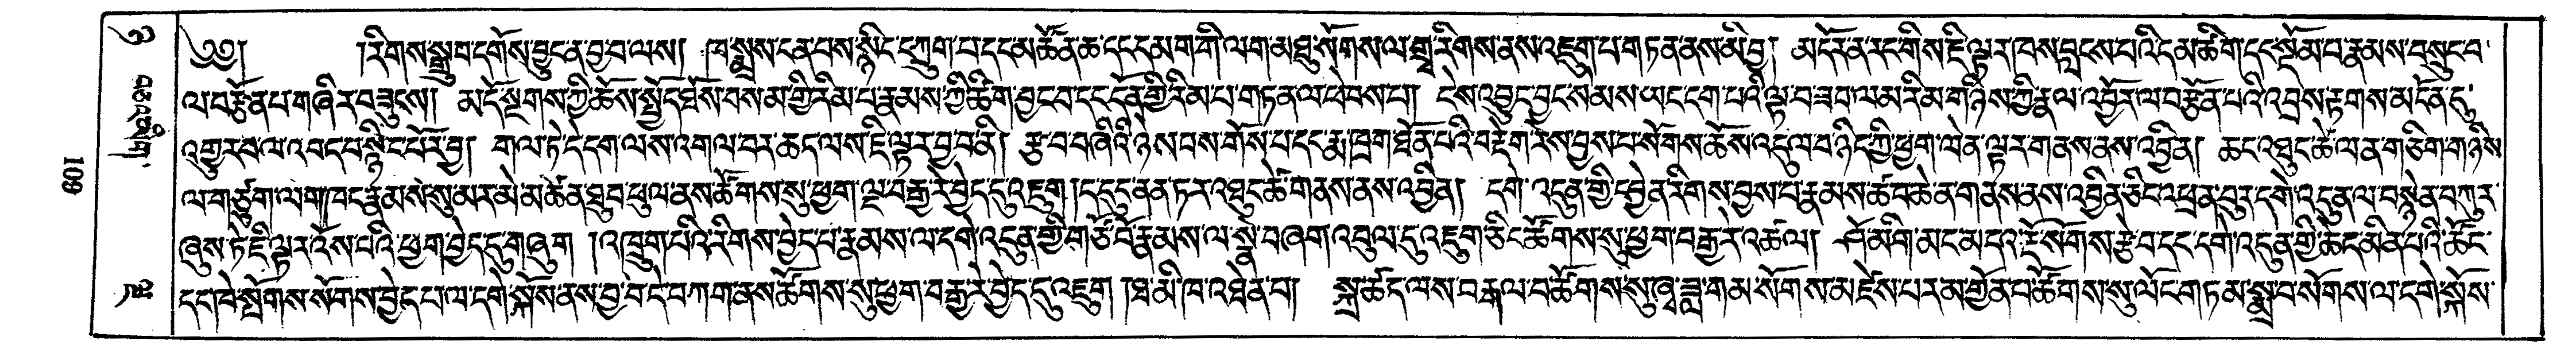༄༅། །རིགས་སྒྲུབ་དགོས་བྱུང་ན་བྱ་བ་ལས། ཁ་སྨྲས་ངན་པས་སྙིང་དཀྲུག་པ་དང་མཚོན་ཆ་དང་དམག་གི་ལག་མཐུ་སོགས་ལ་གྲྭ་རིགས་ནས་འཇུག་པ་གཏན་ནས་མི་བྱ། མདོར་ན་རང་གིས་ཇི་ལྟར་ཁས་བླངས་པའི་དམ་ཚིག་དང་སྡོམ་པ་རྣམས་བསྲུང་བ་
ལ་བརྩོན་པ་གཞིར་བཟུངས། མདོ་སྔགས་ཀྱི་ཆོས་སྤྱོད་ཐོས་བསམ་གྱི་རིམ་པ་རྣམས་ཀྱི་ཚིག་བྱང་བ་དང་དོན་གྱི་རིམ་པ་གཏན་ལ་ཕེབས་པ། ངེས་འབྱུང་བྱང་སེམས་ཡང་དག་པའི་ལྟ་བ་ཟབ་ལམ་རིམ་གཉིས་ཀྱི་རྣལ་འབྱོར་ལ་བརྩོན་པའི་འབྲས་རྟགས་མངོན་དུ་
འགྱུར་བ་ལ་འབད་པ་སྙིང་པོར་བྱ། གལ་ཏེ་དེ་དག་ལས་འགལ་བར་ཆད་ལས་ཇི་ལྟར་བྱ་བ་ནི། རྩ་བ་བཞིའི་ཉེས་པས་གོས་པ་དང་རྨ་ཁྲག་ཐོན་པའི་བརྡེག་རེས་བྱས་བ་སོགས་ཆོས་འདུལ་བ་ཉིད་ཀྱི་ཕྱག་ལེན་ལྟར་གནས་ནས་འབྱིན། ཆང་འཐུང་ཚེ་ལན་གཅིག་གཉིས་
ལ་གཙུག་ལག་ཁང་རྣམས་སུ་མར་མེ་མཚན་ཐུབ་ཕུལ་ནས་ཚོགས་སུ་ཕྱག་ལྔ་བརྒྱ་རེ་བྱེད་དུ་འཇུག། ད་དུང་ནན་ཏར་འཐུང་ཚེ་གནས་ནས་འབྱིན། དགེ་འདུན་གྱི་དབྱེན་རིགས་བྱས་པ་རྣམས་ཚབ་ཆེན་གནས་ནས་འབྱིན་ཅིང་འཕྲན་བུར་དགེ་འདུན་ལ་བསྙེན་བཀུར་
ཞུས་ཏེ་ཇི་ལྟར་འོས་པའི་ཕྱག་བྱེད་དུ་གཞུག །འཁྲུག་པའི་རིགས་བྱེད་པ་རྣམས་ལ་དགེ་འདུན་གྱི་གཙོ་བོ་རྣམས་ལ་སྣེ་བཞག་འབུལ་དུ་འཇུག་ཅིང་ཚོགས་སུ་ཕྱག་བརྒྱ་རེ་འཚལ། ཤོ་མིག་མང་མདའ་རྡོ་སོགས་རྩེ་བ་དང་དགེ་འདུན་གྱི་ཆེད་མིན་པའི་ཚོང་
དང་ཁེ་སྦོགས་སོགས་བྱེད་པ་ལ་དགེ་སྐོས་ནས་བྱ་བ་དེ་བཀག་ནས་ཚོགས་སུ་ཕྱག་བརྒྱ་རེ་བྱེད་དུ་འཇུག །ཐ་མི་ཁ་འཐེན་པ། སྐྲ་ཚད་ལས་བརྒལ་བ་ཚོགས་སུ་ཞྭ་ཟླ་གམ་སོགས་མཛེས་པར་མ་གྱོན་པ་ཚོགས་སུ་ལོང་གཏམ་སྨྲ་བ་སོགས་ལ་དགེ་སྐོས་